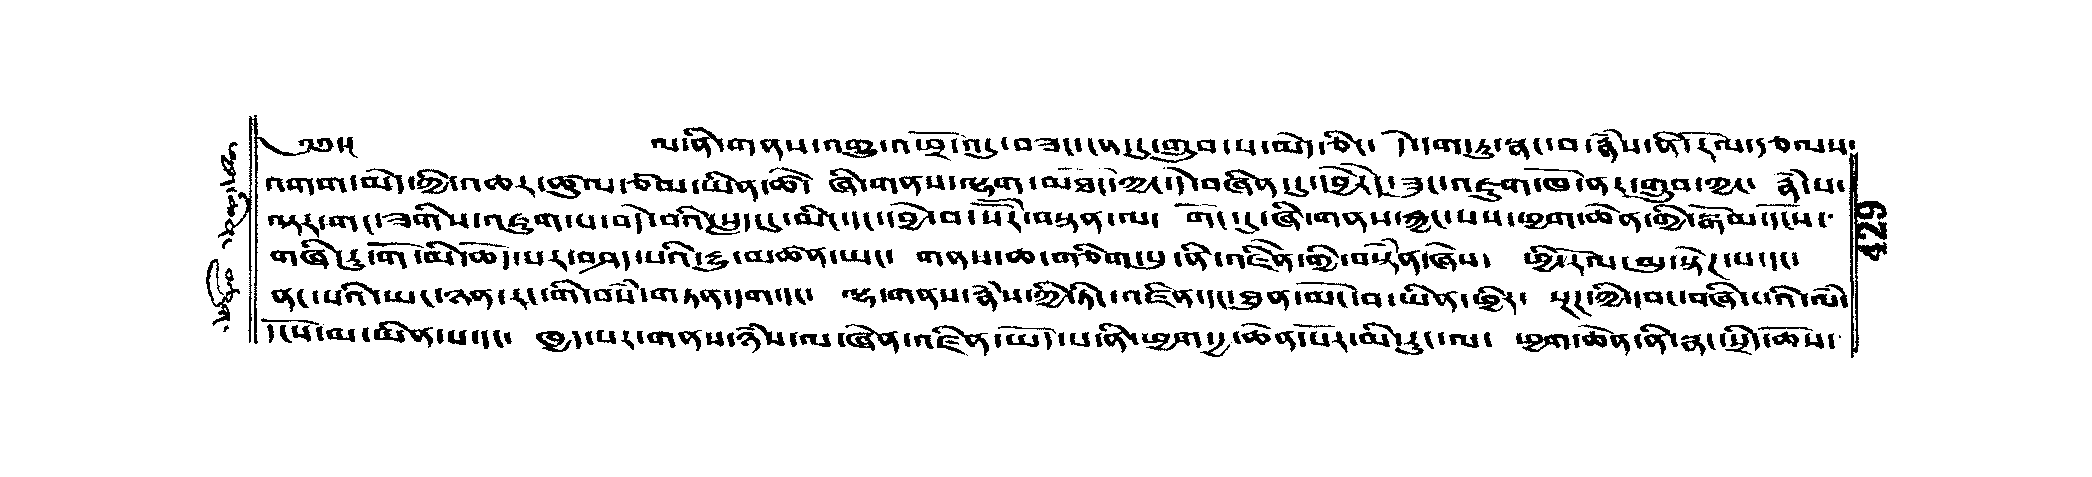ལ་ནི་གནས་འགྱུ་འཕྲོ་འདུ་བཟང་ངན་དུ་གྲུབ་པ་མེད་ཅིང་། དེ་དག་ཏུ་སྣང་བ་རྣམས་ནི་རོལ་རྩལ་ལས་
འགག་མེད་ཀྱི་འཆར་ཚུལ་ཙམ་ཡིན་ཚེ། ཞི་གནས་ལྷག་མཐོང་ཀྱང་དེ་བཞིན་དུ་དབྱེར་མེད་ཟུང་འཇུག་ཁོ་ན་གྲུབ་ཀྱང་། རྣམ་པ་
ལྟར་གང་ཟག་གིས་འཇུག་པ་བདེ་བའི་སླད་དུ་མིང་དང་དབྱེ་བ་སོ་སོར་བསྟན་ལ། གོང་དུ་ཞི་གནས་རྐྱང་པས་ཕྱག་ཆེན་གྱི་སྒོམ་དངོས་
གཞི་རུ་གོ་མི་ཆོད་པར་བཤད་པའི་རྒྱུ་མཚན་ཡང་། གནས་ཆ་གཅིག་པུ་ནི་འཇིག་རྟེན་གྱི་བསམ་གཏན་ཞེས་ཕྱི་རོལ་མུ་སྟེགས་པ་དང་
ནང་པའི་ཡང་ཉན་རང་གི་བསམ་གཏན་དག་དང་། ལྷ་གནས་རྣམས་ཀྱི་ཏིང་འཛིན་དང་ཐུན་མོང་བ་ཡིན་ཕྱིར། སྔགས་ཀྱི་དབང་བཞི་པའི་ལམ་
དངོས་མ་ཡིན་པ་དང་། ཁྱད་པར་གནས་ཉམས་ལ་ཞེན་འཛིན་ཡོད་པ་ནི་ཕྱག་རྒྱ་ཆེན་པོར་མི་རུང་ལ། ཕྱག་ཆེན་ནི་སྣང་སྲིད་ཆོས་